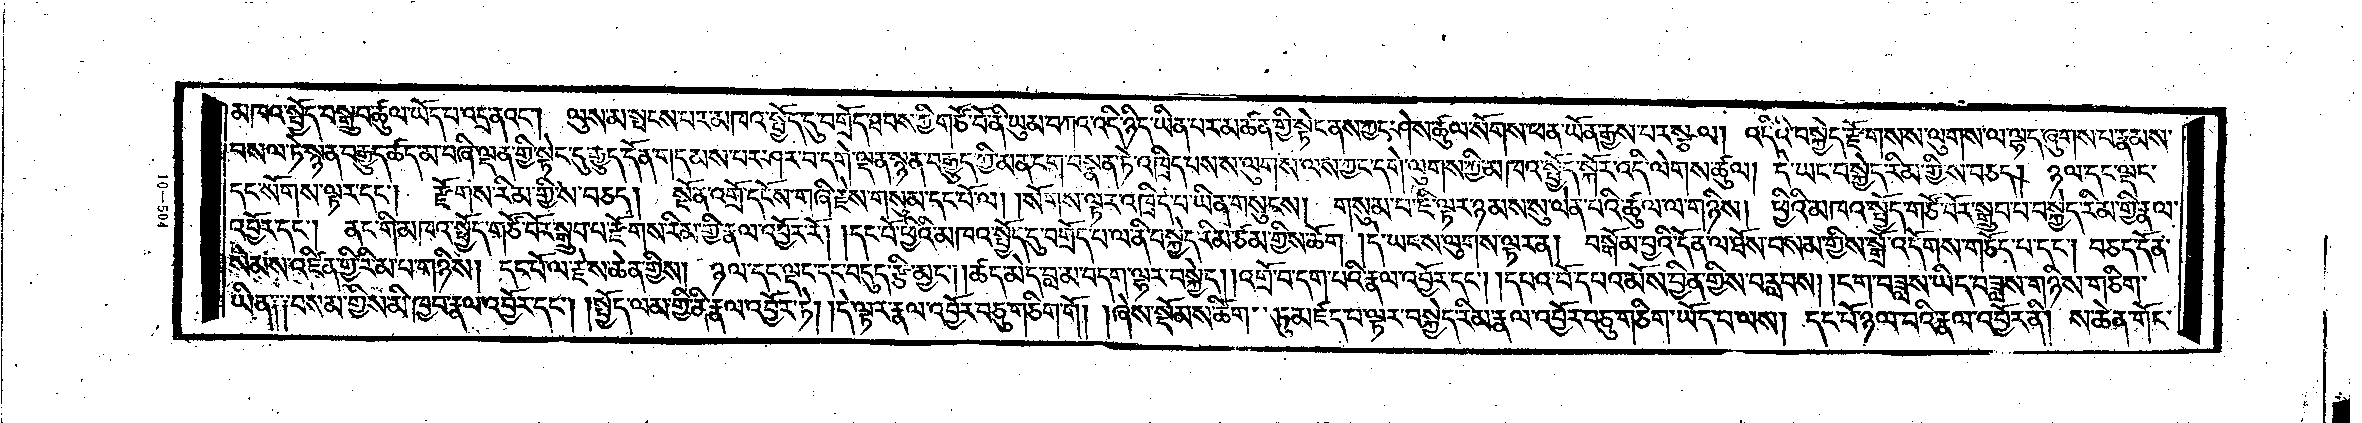མཁའ་སྤྱོད་བསྒྲུབ་ཚུལ་ཡོད་པ་འདྲ་ནའང་། ལུས་མ་སྤངས་པར་མཁའ་སྤྱོད་དུ་བགྲོད་ཐབས་ཀྱི་གཙོ་བོ་ནི་ཡུམ་བཀའ་འདི་ཉིད་ཡིན་པར་མཚན་གྱི་སྟེང་ནས་ཀྱང་ཤེས་ཚུལ་སོགས་ཕན་ཡོན་རྒྱས་པར་སྩལ། འདིའི་བསྐྱེད་རྫོགས་ས་ལུགས་ལ་ལྷད་ཞུགས་པ་རྣམས་
བསལ་ཏེ་སྙན་བརྒྱུད་ཚད་མ་བཞི་ལྡན་གྱི་སྟེང་དུ་རྒྱུད་དོན་གདམས་པར་ཤར་བ་དགེ་ལྡན་སྙན་བརྒྱུད་ཀྱི་མན་ངག་བསྣན་ཏེ་འཁྲིད་པས་ས་ལུགས་ལས་ཀྱང་དགེ་ལུགས་ཀྱི་མཁའ་སྤྱོད་སྐོར་འདི་ལེགས་ཚུལ། དེ་ཡང་བསྐྱེད་རིམ་གྱི་ས་བཅད། ཉལ་དང་ལྡང་
དང་སོགས་ལྟར་དང་། རྫོགས་རིམ་གྱི་ས་བཅད་སྔོན་འགྲོ་དངོས་གཞི་རྗེས་གསུམ་དང་པོ་ལ། །སོགས་ལྟར་འཁྲིད་པ་ཡིན་གསུངས། གསུམ་པ་ཇི་ལྟར་ཉམས་སུ་ལེན་པའི་ཚུལ་ལ་གཉིས། ཕྱིའི་མཁའ་སྤྱོད་གཙོ་བོར་སྒྲུབ་པ་བསྐྱེད་རིམ་གྱི་རྣལ་
འབྱོར་དང་། ནང་གི་མཁའ་སྤྱོད་གཙོ་བོར་སྒྲུབ་པ་རྫོགས་རིམ་གྱི་རྣལ་འབྱོར་རོ། །དང་པོ་ཕྱིའི་མཁའ་སྤྱོད་དུ་བགྲོད་པ་ལ་ནི་བསྐྱེད་རིམ་ཙམ་གྱིས་ཆོག །དེ་ཡང་ས་ལུགས་ལྟར་ན། བསྒོམ་བྱའི་དོན་ལ་ཐོས་བསམ་གྱིས་སྒྲོ་འདོགས་གཅོད་པ་དང་། བཅད་དོན་
སེམས་འཛིན་གྱི་རིམ་པ་གཉིས། དང་པོ་ལ་རྗེས་ཆེན་གྱིས། ཉལ་དང་ལྡང་དང་བདུད་རྩི་མྱང་། །ཚད་མེད་བླ་མ་བདག་ལྷར་བསྐྱེད། །འགྲོ་བ་དག་པའི་རྣལ་འབྱོར་དང་། །དཔའ་བོ་དཔའ་མོས་བྱིན་གྱིས་བརླབས། །ངག་བཟླས་ཡིད་བཟླས་གཉིས་གཅིག་
ཡིན༑ ༑བསམ་གྱིས་མི་ཁྱབ་རྣལ་འབྱོར་དང་། །སྤྱོད་ལམ་གྱི་ནི་རྣལ་འབྱོར་ཏེ། །དེ་ལྟར་རྣལ་འབྱོར་བཅུ་གཅིག་གོ། །ཞེས་སྡོམས་ཚིག་ཏུ་མཛད་པ་ལྟར་བསྐྱེད་རིམ་རྣལ་འབྱོར་བཅུ་གཅིག་ཡོད་པ་ལས། དང་པོ་ཉལ་བའི་རྣལ་འབྱོར་ནི། ས་ཆེན་གོང་